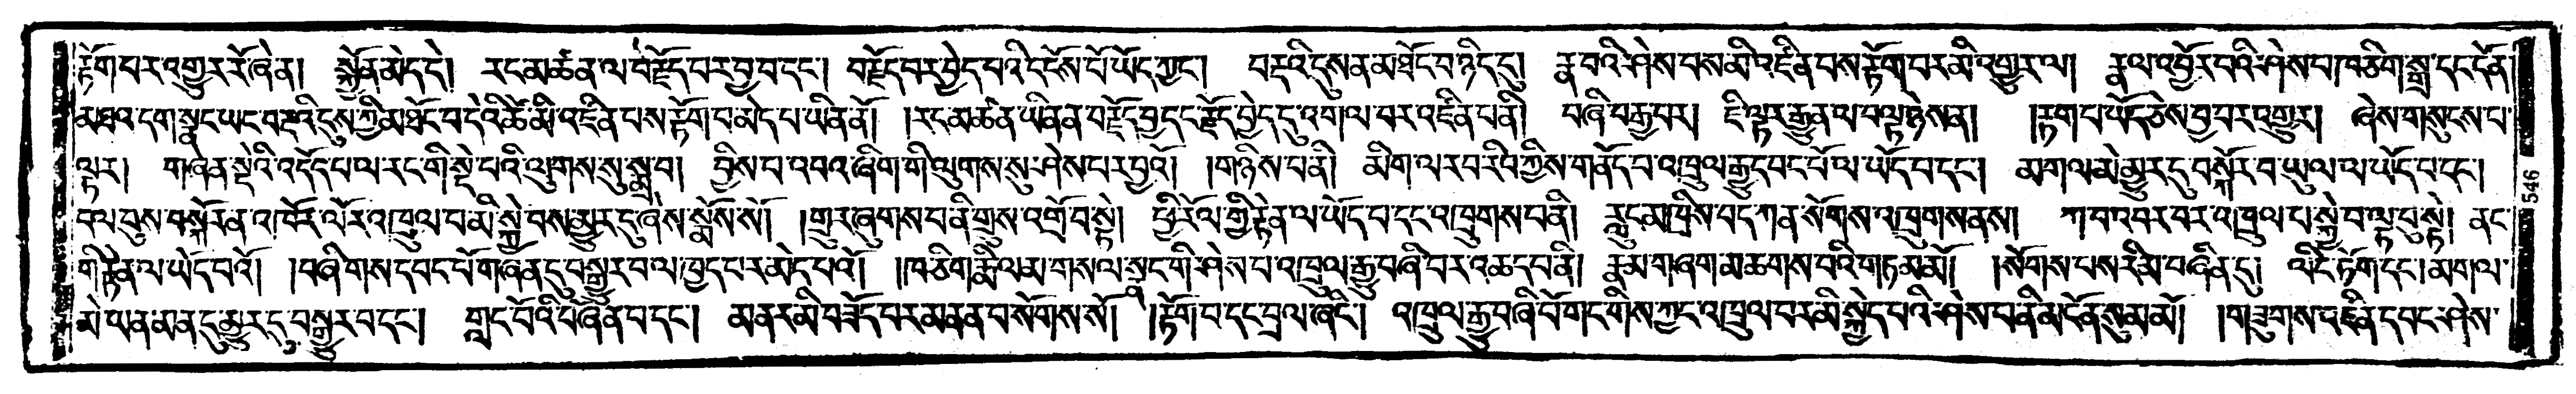རྟོག་པར་འགྱུར་རོ་ཞེ་ན། སྐྱོན་མེད་དེ། རང་མཚན་ལ་བརྗོད་པར་བྱ་བ་དང་། བརྗོད་བར་བྱེད་པའི་དངོས་པོ་ཡོད་ཀྱང་། བརྡའི་དུས་ན་མཐོང་བ་ཉིད་དུ། རྣ་བའི་ཤེས་བས་མི་འཛིན་བས་རྟོག་པར་མི་འགྱུར་ལ། རྣལ་འབྱོར་བའི་ཤེས་པ་ཁ་ཅིག་སྒྲ་དང་དོན་
མཐའ་དག་སྣང་ཡང་བརྡའི་དུས་ཀྱི་མཐོང་བ་དེའི་ཚེ་མི་འཛིན་པས་རྟོག་བ་མེད་པ་ཡིན་ནོ། །རང་མཚན་ཡིན་ན་བརྗོད་བྱ་དང་རྗོད་བྱེད་དུ་འགལ་བར་འཛིན་པ་ནི། བཞི་བརྒྱ་པར། ཇི་ལྟར་རྒྱུན་ལ་བལྟ་ཉེས་ན། །རྟག་པ་ཡོད་ཅེས་བྱ་བར་འགྱུར། ཞེས་གསུངས་པ་
ལྟར། གཞན་སྡེའི་འདོད་པ་ལ་རང་གི་སྡེ་པའི་ལུགས་སུ་སྨྲ་བ། བྱིས་པ་འབའ་ཞིག་གི་ལུགས་སུ་ཤེས་པར་བྱའོ། །གཉིས་པ་ནི། མིག་ལ་རབ་རིབ་ཀྱིས་གནོད་པ་འཁྲུལ་རྒྱུ་དབང་པོ་ལ་ཡོད་པ་དང་། མགལ་མེ་མྱུར་དུ་བསྐོར་བ་ཡུལ་ལ་ཡོད་པ་དང་།
དལ་བུས་བསྐོར་ན་འཁོར་ལོར་འཁྲུལ་བ་མི་སྐྱེ་བས་མྱུར་དུ་ཞེས་སྨོས་སོ། །གྲུར་ཞུགས་པ་ནི་གྲུས་འགྲོ་བ་སྟེ། ཕྱི་རོལ་གྱི་རྟེན་ལ་ཡོད་པ་དང་འཁྲུགས་བ་ནི། རླུང་མཁྲིས་བད་ཀན་སོགས་འཁྲུགས་ནས། ཀ་བ་འབར་བར་འཁྲུལ་པ་སྐྱེ་བ་ལྟ་བུ་སྟེ། ནང་
གི་རྟེན་ལ་ཡོད་པའོ། །བཞིགས་དབང་པོ་གཞན་དུ་བསྒྱུར་བ་ལ་ཁྱད་པར་མེད་པའོ། །ཁ་ཅིག་རྨི་ལམ་གསལ་སྣང་གི་ཤེས་པ་འཁྲུལ་རྒྱུ་བཞི་བར་འཆད་པ་ནི། རྣམ་གཞག་མ་ཆགས་པའི་གཏམ་མོ། །སོགས་པས་རིམ་བཞིན་དུ། ལིང་ཏོག་དང་། མགལ་
མེ་ཡན་མན་དུ་མྱུར་དུ་བསྒྱུར་བ་དང་། གླང་པོའི་བཞོན་བ་དང་། མནར་མི་བཟོད་པར་མནན་བ་སོགས་སོ། །རྟོག་བ་དང་བྲལ་ཞིང་། འཁྲུལ་རྒྱུ་བཞི་པོ་གང་གིས་ཀྱང་འཁྲུལ་བར་མི་སྐྱེད་པའི་ཤེས་པ་ནི་མངོན་སུམ་མོ། །གཟུགས་འཛིན་དབང་ཤེས་